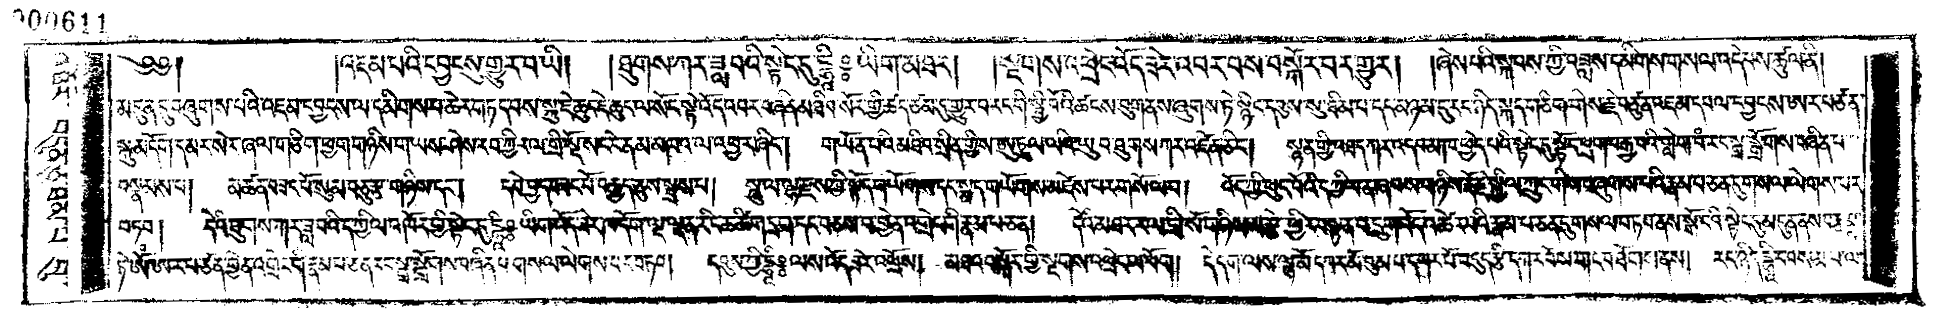༄༅། །འཇམ་པའི་དབྱངས་སུ་གྱུར་བ་ཡི། །ཐུགས་ཀར་ཟླ་བའི་སྟེང་དུ་དྷཱིཿ ཡིག་མཐར། །སྔགས་འཕྲེང་འོད་ཟེར་འབར་བས་བསྐོར་བར་གྱུར། །ཞེས་པའི་སྐབས་ཀྱི་བཟླས་དམིགས་གསལ་འདེབས་ཚུལ་ནི།
མདུན་དུ་བཞུགས་པའི་འཇམ་དབྱངས་ལ་དམིགས་པ་ཆེར་བཏད་པས་སྐུ་ཇེ་ཆུང་ཇེ་ཆུང་ལ་སོང་སྟེ་འོད་འབར་བཞིན་མཐིབ་སོར་གྱི་ཚད་ཙམ་དུ་གྱུར་བ་རང་གི་སྤྱི་བོའི་ཚངས་བུག་ནས་ཞུགས་ཏེ་སྙིང་དབུས་སུ་ཐིམ་པ་དང་མཉམ་དུ་རང་ཉིད་སྐད་གཅིག་གིས་རྗེ་བཙུན་འཇམ་དཔལ་དབྱངས་ཨ་ར་པ་ཙ་ན་
སྐུ་མདོག་དམར་སེར་ཞལ་གཅིག་ཕྱག་གཉིས་གཡས་ཤེས་རབ་ཀྱི་རལ་གྲི་སྡོ་སང་ངེ་ནམ་མཁའ་ལ་འཕྱར་ཞིང་། གཡོན་པའི་མཐིབ་སྲིན་གྱིས་ཨུཏྤལ་ལའི་ཡུ་བ་ཐུགས་ཀར་འཛིན་ཅིང་། སྙན་གྱི་འཐད་ཀར་འདབ་མ་ཁ་ཕྱེད་པའི་སྟེང་དུ་སྟོང་ཕྲག་བརྒྱ་བའི་གླེག་བཾ་རང་སྒྲ་སྒྲོགས་བཞིན་པ་
བསྣམས་པ། མཚན་བཟང་པོ་སུམ་བཅུ་རྩ་གཉིས་དང་། དཔེ་བྱད་བཟང་པོ་བརྒྱད་ཅུས་སྤྲས་པ། སྐུ་ལ་ལྷ་རྫས་ཀྱི་སྟོད་གཡོགས་དང་སྨད་གཡོགས་མཛེས་པར་གསོལ་བ། འོད་ཀྱི་ཕུང་པོའི་དཀྱིལ་ན་ཞབས་གཉིས་རྡོ་རྗེ་སྐྱིལ་ཀྲུང་གིས་བཞུགས་པའི་རྣམ་པ་ཅན་དུ་གསལ་ལེགས་པར་
བཏབ། དེའི་ཐུགས་ཀར་ཟླ་བའི་དཀྱིལ་འཁོར་གྱི་སྟེང་དུ་དྷཱིཿ ཡིག་འོད་ཟེར་ཁ་དོག་ལྔ་ལྡན་རིང་ཆ་ཚིག་དྲག་དང་བཅས་པ་ཕྱེན་འགྲེང་གི་རྣམ་པ་ཅན། དེའི་མཐར་རལ་གྲི་སོ་གཉིས་མ་རྩེ་ཕྱིར་བསྟན་པ་དྲུག་འོད་འཚེར་པའི་རྣམ་པ་ཅན་དུ་གསལ་བཏབ་ནས་སྒོ་ངའི་སྟེང་དུ་མདུན་ནས་བརྩམས་
ཏེ་ཨོཾ་ཨ་ར་པ་ཙ་ན་བྱེན་འབྲེང་?་གི་རྣམ་པ་ཅན་རང་སྒྲ་སྒྲོགས་བཞིན་པ་གསལ་ལེགས་པར་བཏབ། དབུས་ཀྱི་དྷཱིཿ ལས་འོད་ཟེར་འཕྲོས། མཐའ་བསྐོར་གྱི་སྔགས་འཕྲེང་ལ་ཕོག །དེ་དག་ལས་ལྷ་མོ་དཀར་མོ་བུམ་པ་དཀར་པོ་བདུད་རྩི་དཀར་པོས་གང་བ་ཐོགས་ནས། རང་ཉིད་དྷཱིར་བསམ་པ་ལ་